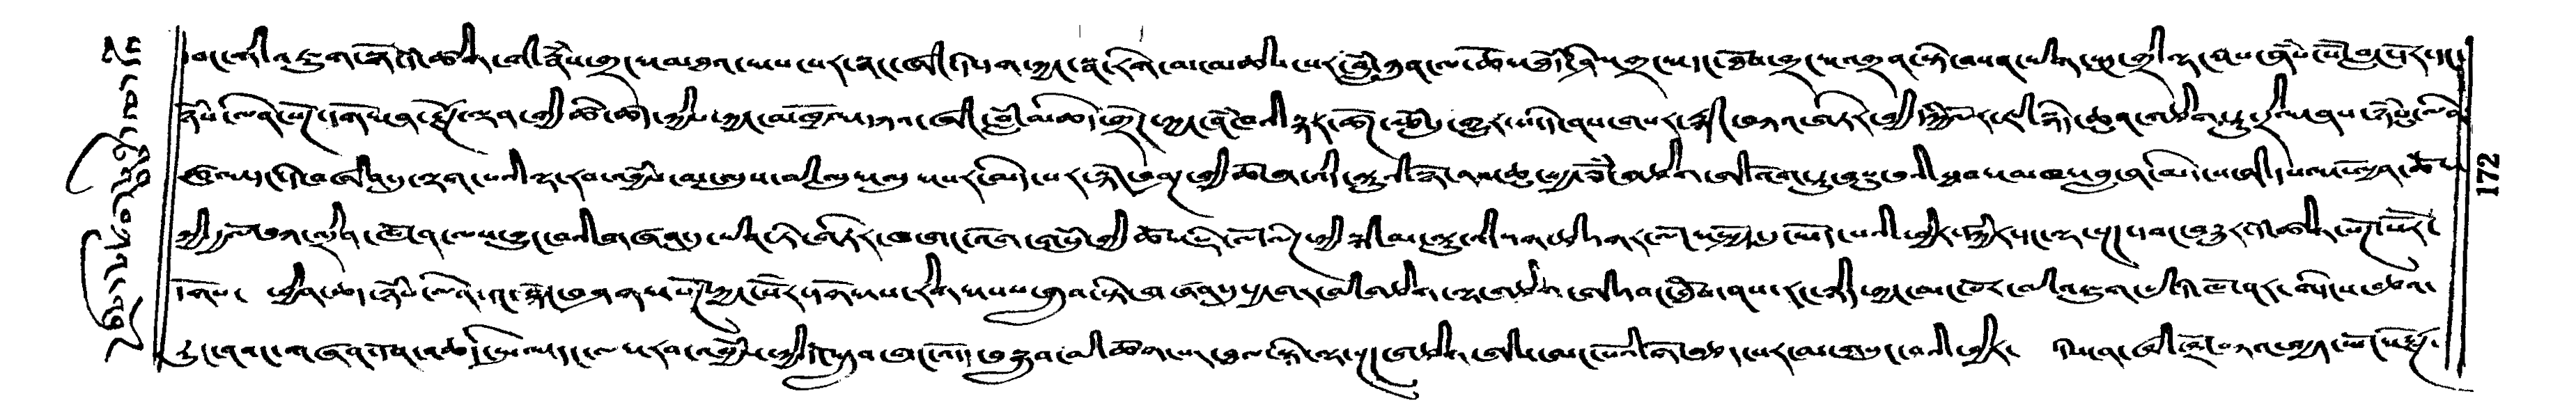དབང་གི་འཇུག་སྒོ་དམ་ཚིག་གི་རྣམ་གྲངས་མཐའ་ཡས་པར་སྣང་བ་དེ་དག་སྣ་རེ་མ་མཆིས་པར་བླ་མ་ཀུན་ནས་ཆོས་ཐམས་ཅད་ཤེས་གྲངས་དང་ཐོབ་གྲངས་འགྲན་སྟེ་གསན་ཡིག་པོ་ཏི་ལོངས་པ་སོ་སོར་དོར་དང་
ཉམས་ལེན་སོགས་དགོས་ན་རྫོགས་ལྡན་གྱི་ཚེ་ཚད་ཀྱིས་ཀྱང་འཁྱོལ་དཀའ་ཞིང་བླ་མ་མཆེད་གྲོགས་ཀྱང་ནམ་མཁའི་སྐར་ཚོགས་ཙམ་དུ་གྱུར་པ་དེས་ན་གསར་རྙིང་བཀའ་གཏེར་གྱི་དཀྱིལ་འཁོར་ཇི་སྙེད་གཅིག་ཏུ་དྲིལ་ནས་ཉམས་སུ་ལེན་
ཚུལ་དང་།དེ་བཞིན་དུ་ལྷག་པའི་ལྷ་རབ་འབྱམས་མ་ལུས་མི་ལུས་ལུས་པ་མེད་པར་སྐོང་བཤགས་ཀྱི་ཆོ་ག་འདི་ལྟ་བུའི་སྒོ་ནས་ཆུ་བརྒྱ་ཟམ་གཅིག་གི་འོག་ཏུ་བསྡུ་བའི་ཐབས་མཁས་བླ་ན་མེད་པ་ནི་དཔལ་ཨོ་རྒྱན་ཆོས་
ཀྱི་རྒྱལ་པོའི་བཀའ་དྲིན་ཁོ་ན་ལས་བྱུང་བ་ཡིན་ཏེ། གཏེར་ཁ་གོང་འོག་གསུམ་གྱི་ཆོས་སྡེ་ལོ་ལེགས་ཀྱི་སྙེ་མ་ལྟ་བུ་འདི་དག་ལ་ཅི་དགར་ལོངས་སྤྱོད་དུ་ཡོད་པའི་ཕྱིར། དཀྱིལ་འཁོར་དང་ལྷ་སྔགས་དབང་སྐུར་དམ་ཚིག་སོགས་སོ་སོར་
དགོས་ཕྱིན་ཆད། ཉམས་ལེན་དང་སྐོང་བཤགས་སོགས་ཀྱང་སོ་སོར་དགོས་པ་རིགས་པས་གྲུབ་སྟེ། གཞན་དུན་རྒྱ་གར་མི་གཅིག་ལྷ་གཅིག་གི་དབང་ཐོབ་ནས་རང་ཉིད་མང་པོར་མི་འཇུག་པའི་དེ་ཁོ་ནར་གདེངས་བཅའ་
རུང་ནའང་། གཞན་དོན་འཆད་སྤེལ་དང་ལས་རབ་འབྱམས་ཀྱི་དངོས་གྲུབ་གང་འདོད་སྒྲུབ་མི་ཆོག་པར་ཐལ་སྟེ་ལྷ་སྔགས་གཅིག་གིས་མང་པོའི་གོ་ཆོད་པར་མ་གསུངས་བའི་ཕྱིར། དེ་ཡན་ཞི་ཁྲོ་བཀའ་བརྒྱད་ཡོངས་རྫོགས་